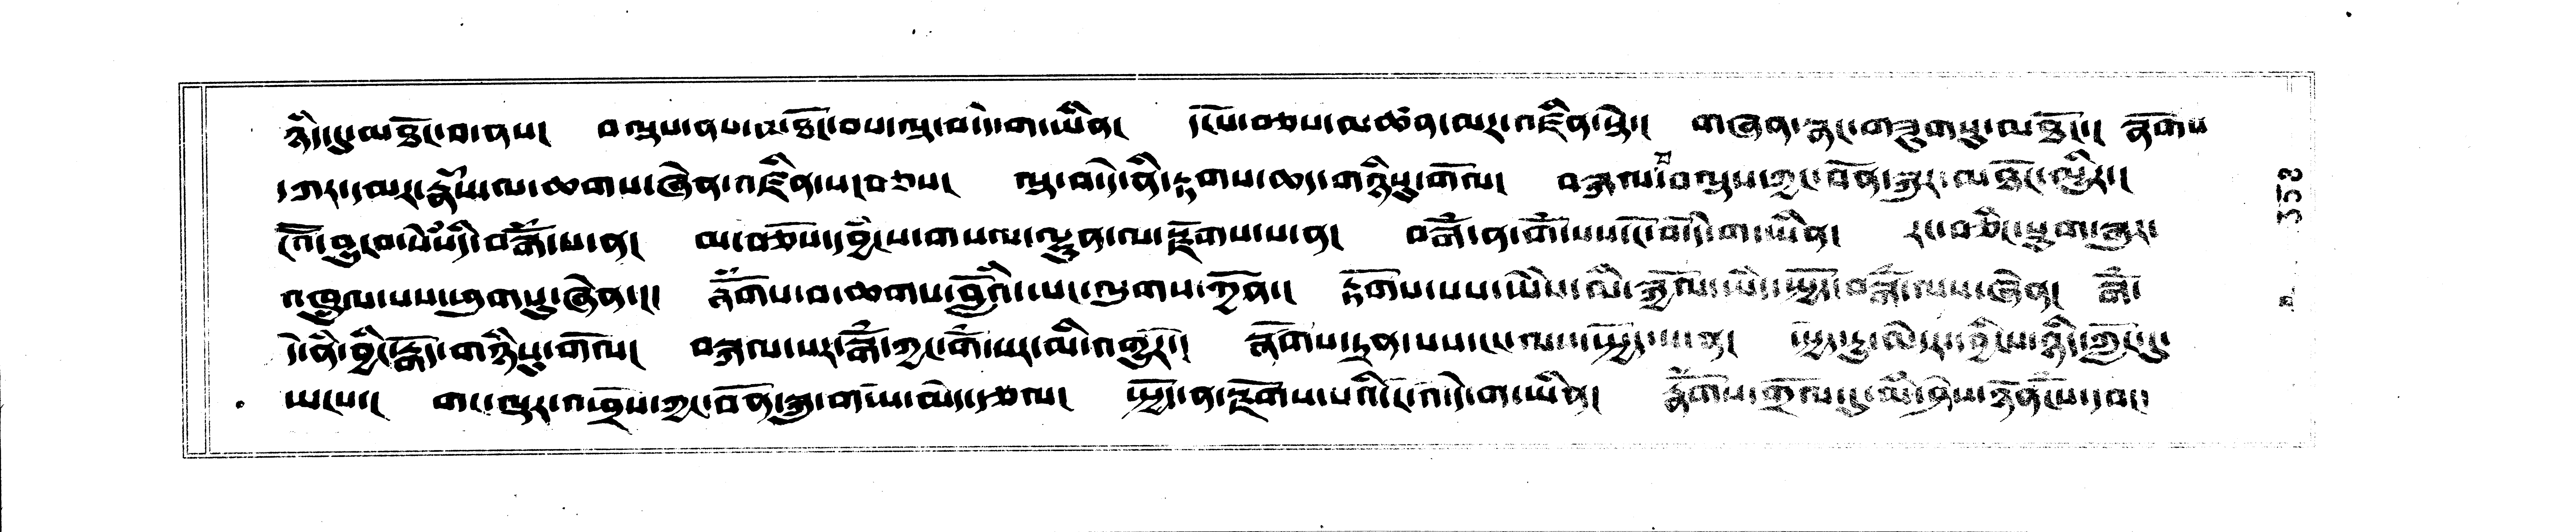ཉིད་དུ་མཐོང་བ་ན། བལྟས་ན་མཐོང་བའི་ལྟ་བ་དེ་ཀ་ཡིན། དངོས་བཅས་མཚན་མར་འཛིན་ཏེ་གཞན་སྣང་གཟུགས་སུ་མཐོང་། སྣ་ཚོགས་
དཀར་དམར་རྣམས་ལ་ཆགས་ཞན་འཛིན་པ་བཅས། ལྟ་བ་དེ་ནི་རྟག་ཆད་གཉིས་སུ་གོལ། སྐལ་པར་བལྟས་ཀྱང་བོན་སྐུ་མཐོང་མི་གྱུར། 
ངོའོ་བྱང་ཆུབ་སེམས་ཉིད་མཐོང་བེས་ན། མ་བཅོས་དབྱིངས་གསལ་ལྷུན་ལ་རྫོགས་བན་ན། སྒོམ་ན་གོམ་པའི་ངོའོ་དེ་ཀ་ཡིན། རང་བཅིང་སྡུག་བརྒུར་༼སྒུར༽
འཁྲུལ་པའི་ཕུགས་སུ་ཞེན། རྣམ་རྟོག་བག་ཆག་བློའི་གཡང་ལུག་གྱོན། རྟོགས་པའི་ཡེ་ཤེས་མི་སྐྱོངས་ཡིད་སྤྱོད་སྒོམ་ལ་ཞེན། སྒོམ་པ་
དེ་ནི་བྱིང་རྒོད་གཉིས་སུ་གོམ། སྐལ་པར་སྒོམ་ཀྱང་གོམ་པར་མི་གྱུར་རོ། སྣ་ཚོགས་དྲན་པའི་ངང་ལ་སྤྱོད་བེན་ན། སྤྱོད་རྒྱུ་མེད་པར་དབྱིངས་ཉིད་ཀློང་དུ་
སངས། གང་ལྟར་འཕྲོས་ཀྱང་བོན་སྐུ་གཡོ་མེད་རྩལ། སྤྱོད་ན་རྫོགས་པའི་ངོའོ་དེ་ཀ་ཡིན། སྤྱོད་རྒྱུ་དང་སྤྱོད་མཁན་སོ་སོར་འཛིན་བེས་ན། རྣམ་རྟོག་གྲོལ་དུ་མི་ཤེས་ཉོན་མོངས་རང་